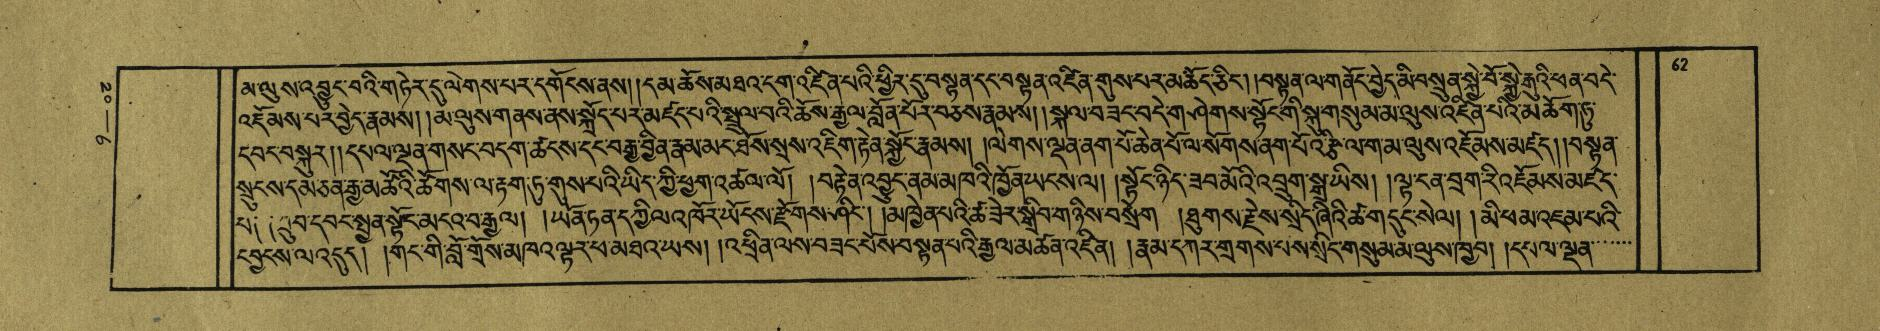མ་ལུས་འབྱུང་བའི་གཏེར་དུ་ལེགས་པར་དགོངས་ནས། །དམ་ཆོས་མཐའ་དག་འཛིན་པའི་ཕྱིར་དུ་བསྟན་དང་བསྟན་འཛིན་གུས་པར་མཆོད་ཅིང་། །བསྟན་ལ་གནོད་བྱེད་མི་བསྲུན་སྐྱེ་བོ་སྐྱེ་རྒུའི་ཕན་བདེ་
འཇོམས་པར་བྱེད་རྣམས། །མ་ལུས་གནས་ནས་སྐྲོད་པར་མཛད་པའི་སྦྲུལ་པའི་ཆོས་རྒྱལ་བློན་པོར་བཅས་རྣམས། །སྐལ་བཟང་བདེ་གཤེགས་སྟོང་གི་སྐུ་གསུམ་མ་ལུས་འཛིན་པའི་མཆོག་ཏུ་
དབང་བསྐུར། །དཔལ་ལྡན་གསང་བདག་ཚངས་དང་བརྒྱ་བྱིན་རྣམ་མང་ཐོས་སྲས་འཇིག་རྟེན་སྐྱོང་རྣམས། །ལེགས་ལྡན་ནག་པོ་ཆེན་པོ་ལ་སོགས་ནག་པོའི་རྩི་ལག་མ་ལུས་འཇོམས་མཛད། །བསྟན་
སྲུངས་དམ་ཅན་རྒྱ་མཚོའི་ཚོགས་ལ་རྟག་ཏུ་གུས་པའི་ཡིད་ཀྱི་ཕྱག་འཚལ་ལོ། །བརྟེན་འབྱུང་ནམ་མཁའི་ཁྱོན་ཡངས་ལ། །སྟོང་ཉིད་ཟབ་མོའི་འབྲུག་སྒྲ་ཡིས། །ལྟ་ངན་བྲག་རི་འཇོམས་མཛད་
པ༑ ༑ཐུབ་དབང་སྤྱན་སྟོང་མངའ་བ་རྒྱལ། །ཡོན་ཏན་དཀྱིལ་འཁོར་ཡོངས་རྫོགས་ཤིང་། །མཁྱེན་པའི་ཚ་ཟེར་སྒྲིབ་གཉིས་བསྲེག །ཐུགས་རྗེས་སྲིད་ཞིའི་ཚ་གདུང་སེལ། །མི་ཕམ་འཇམ་པའི་
དབྱངས་ལ་འདུད། །གང་གི་བློ་གྲོས་མཁའ་ལྟར་ཕ་མཐའ་ཡས། །འཕྲིན་ལས་བཟང་པོས་བསྟན་པའི་རྒྱལ་མཚན་འཛིན། །རྣམ་དཀར་གྲགས་པས་སྲིད་གསུམ་མ་ལུས་ཁྱབ། །དཔལ་ལྡན་